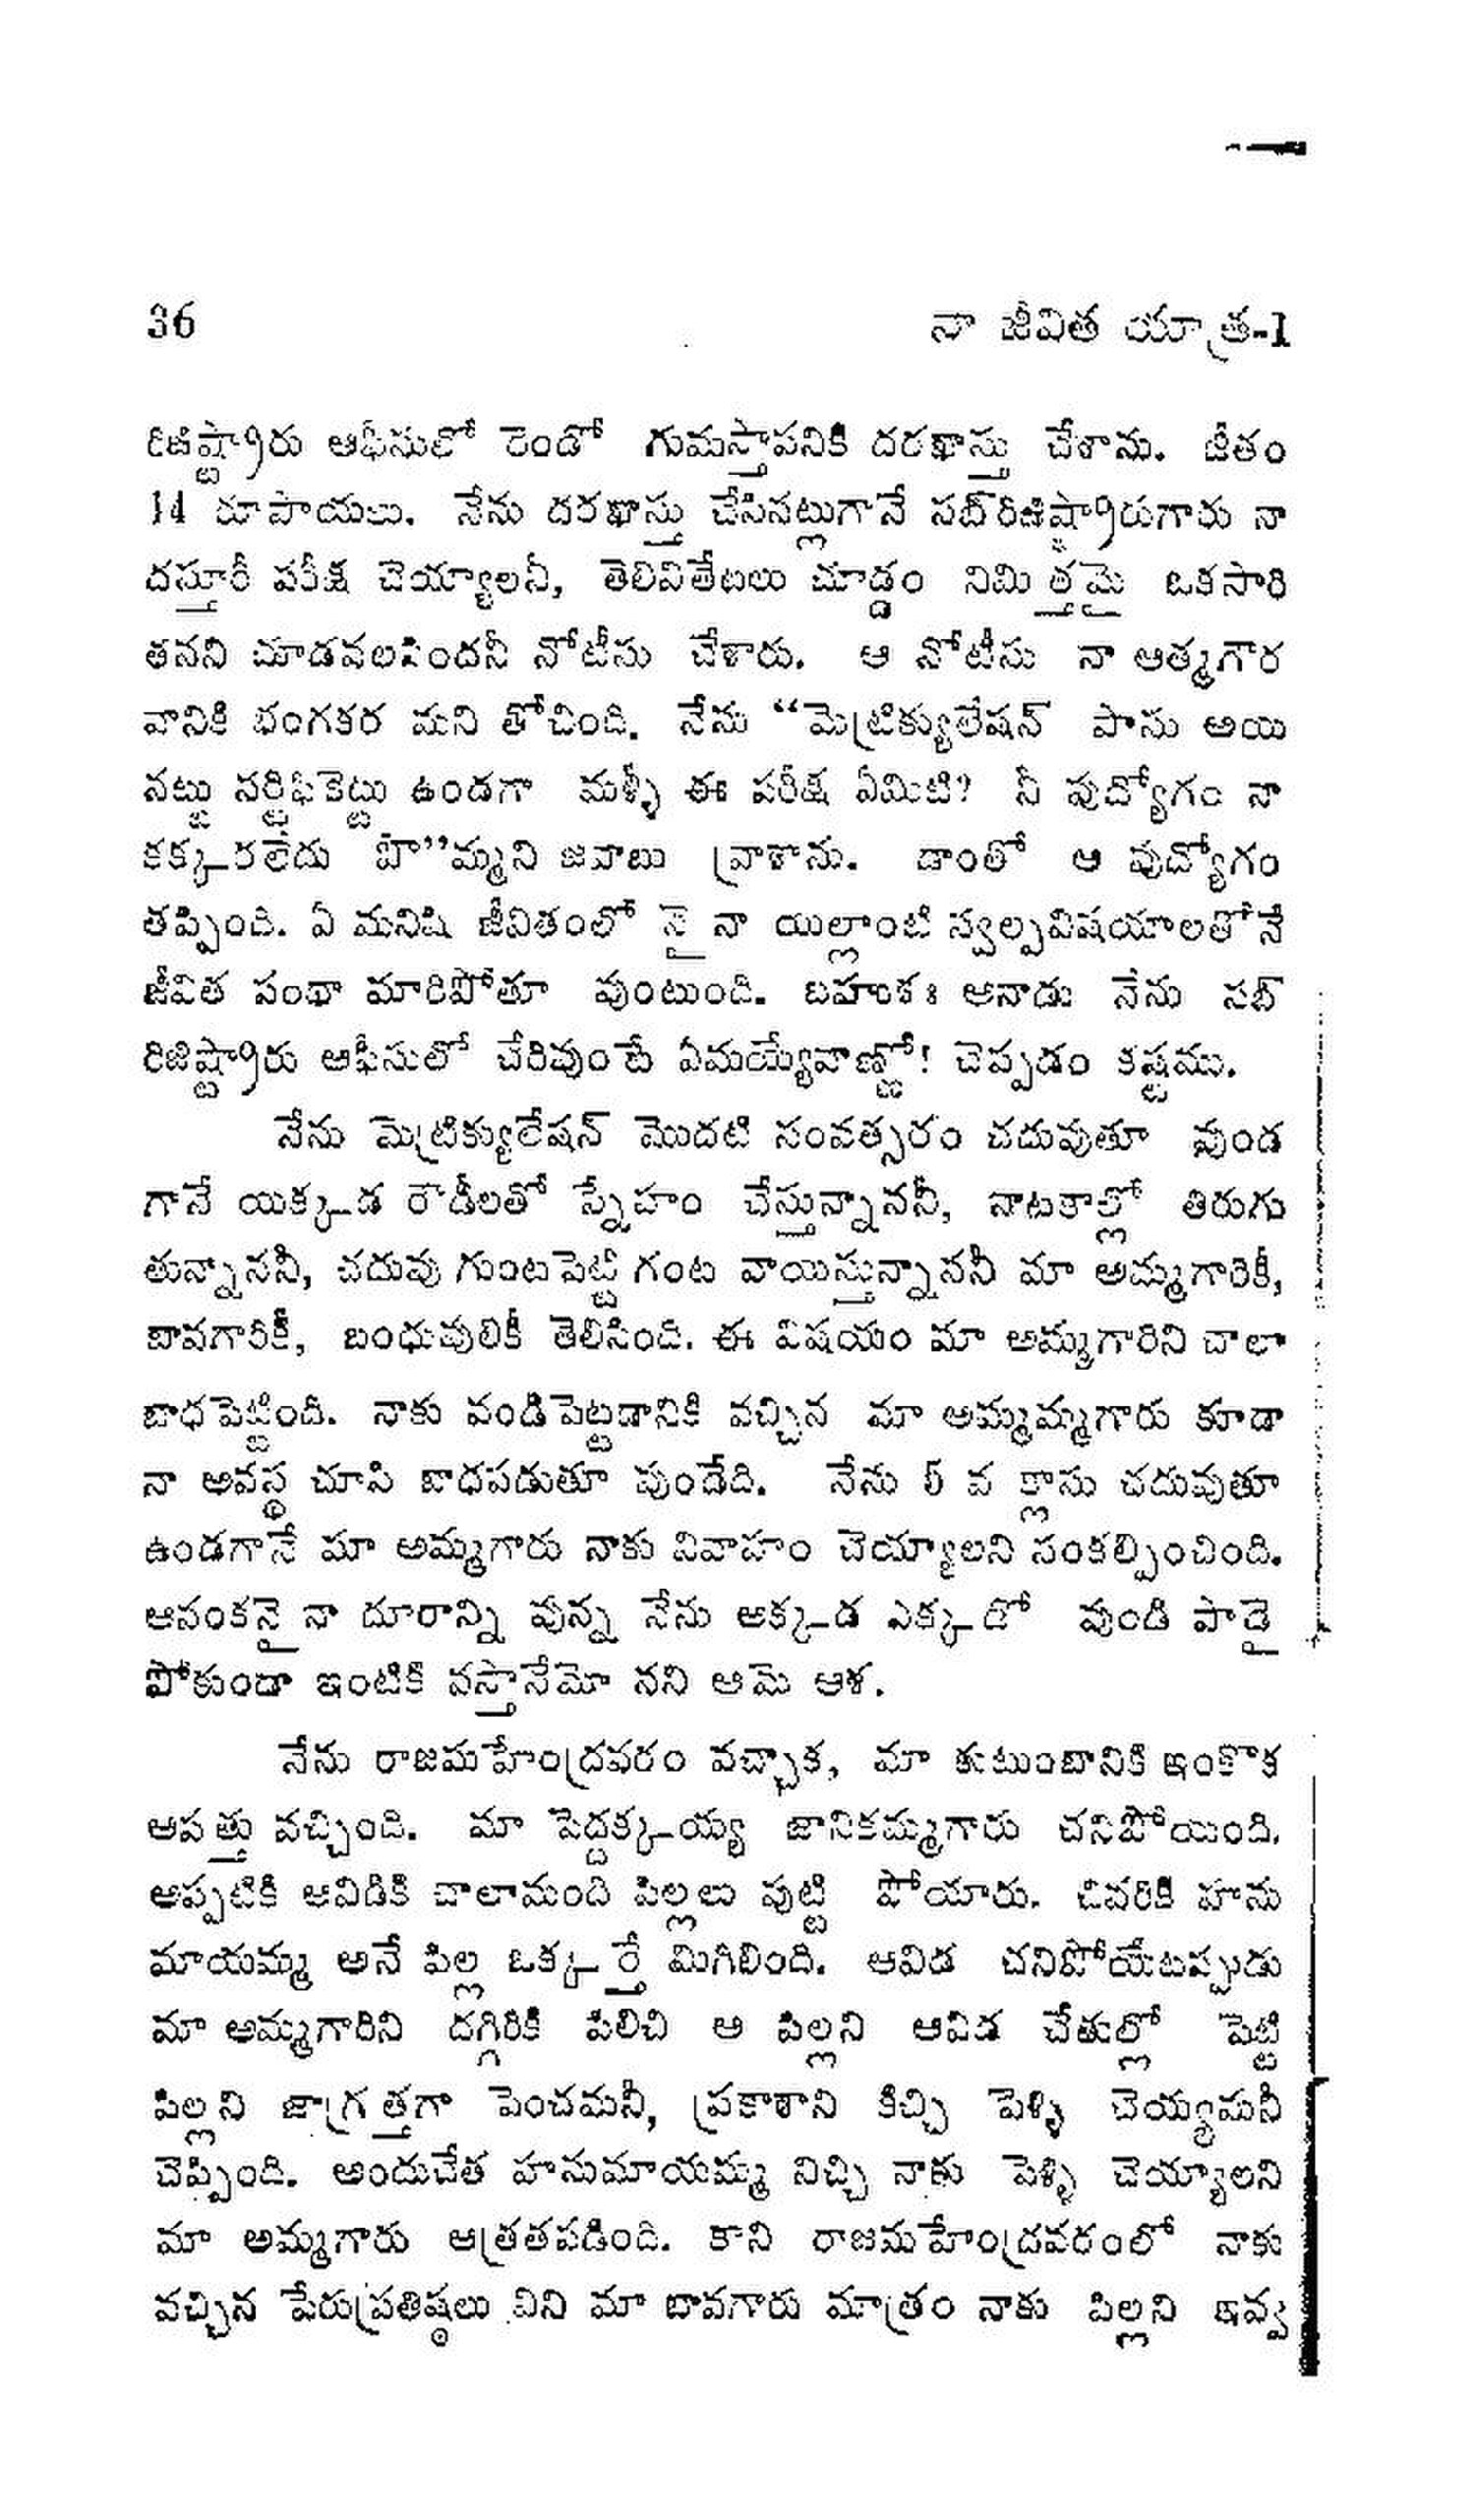రిజిష్ట్రారు ఆఫీసులో రెండో గుమస్తాపనికి దరఖాస్తు చేశాను. జీతం 14 రూపాయలు. నేను దరఖాస్తు చేసినట్లుగానే సబ్‌రిజిష్ట్రారుగారు నా దస్తూరీ పరీక్ష చెయ్యాలనీ, తెలివితేటలు చూడ్డం నిమిత్తమై ఒకసారి తనని చూడవలసిందనీ నోటీసు చేశారు. ఆ నోటీసు నా ఆత్మగౌరవానికి భంగకర మని తోచింది. నేను "మెట్రిక్యులేషన్ పాసు అయినట్టు సర్టిఫికెట్టు ఉండగా మళ్ళీ ఈ పరీక్ష ఏమిటి? నీ వుద్యోగం నాకక్కరలేదు పొ"మ్మని జవాబు వ్రాశాను. దాంతో ఆ వుద్యోగం తప్పింది. ఏ మనిషి జీవితంలో నైనా యిల్లాంటి స్వల్పవిషయాలతోనే జీవిత పంథా మారిపోతూ వుంటుంది. బహుశ: ఆనాడు నేను సబ్‌రిజిష్ట్రారు ఆఫీసులో చేరివుంటే ఏమయ్యేవాణ్ణో! చెప్పడం కష్టము.

నేను మెట్రిక్యులేషన్ మొదటి సంవత్సరం చదువుతూ వుండగానే యిక్కడ రౌడీలతో స్నేహం చేస్తున్నాననీ, నాటకాల్లో తిరుగుతున్నాననీ, చదువు గుంటపెట్టి గంట వాయిస్తున్నాననీ మా అమ్మగారికీ, బావగారికీ, బంధువులకీ తెలిసింది. ఈ విషయం మా అమ్మగారిని చాలా బాధపెట్టింది. నాకు వండిపెట్టడానికి వచ్చిన మా అమ్మమ్మగారు కూడా నా అవస్థ చూసి బాధపడుతూ వుండేది. నేను 5 వ క్లాసు చదువుతూ ఉండగానే మా అమ్మమ్మగారు నాకు వివాహం చెయ్యాలని సంకల్పించింది. ఆవంకనైనా దూరాన్ని వున్న నేను అక్కడ ఎక్కడో వుండి పాడైపోకుండా ఇంటికి వస్తానేమో నని ఆమె ఆశ.

నేను రాజమహేంద్రవరం వచ్చాక, మా కుటుంబానికి ఇంకొక ఆపత్తు వచ్చింది. మా పెద్దక్కయ్య జానికమ్మగారు చనిపోయింది. అప్పటికి ఆవిడకి చాలామంది పిల్లలు పుట్టి పోయారు. చివరికి హనుమాయమ్మ అనే పిల్ల ఒక్కర్తే మిగిలింది. ఆవిడ చనిపోయేటప్పుడు మా అమ్మగారిని దగ్గిరకి పిలిచి ఆ పిల్లని ఆవిడ చేతుల్లో పెట్టి పిల్లని జాగ్రత్తగా పెంచమనీ, ప్రకాశాన్ని కిచ్చి పెళ్ళి చెయ్యమనీ చెప్పింది. అందుచేత హనుమాయమ్మ నిచ్చి నాకు పెళ్ళి చెయ్యాలని మా అమ్మగారు ఆత్రతపడింది. కాని రాజమహేంద్రవరంలో నాకు వచ్చిన పేరుప్రతిష్ఠలు విని మా బావగారు మాత్రం నాకు పిల్లని ఇవ్వ